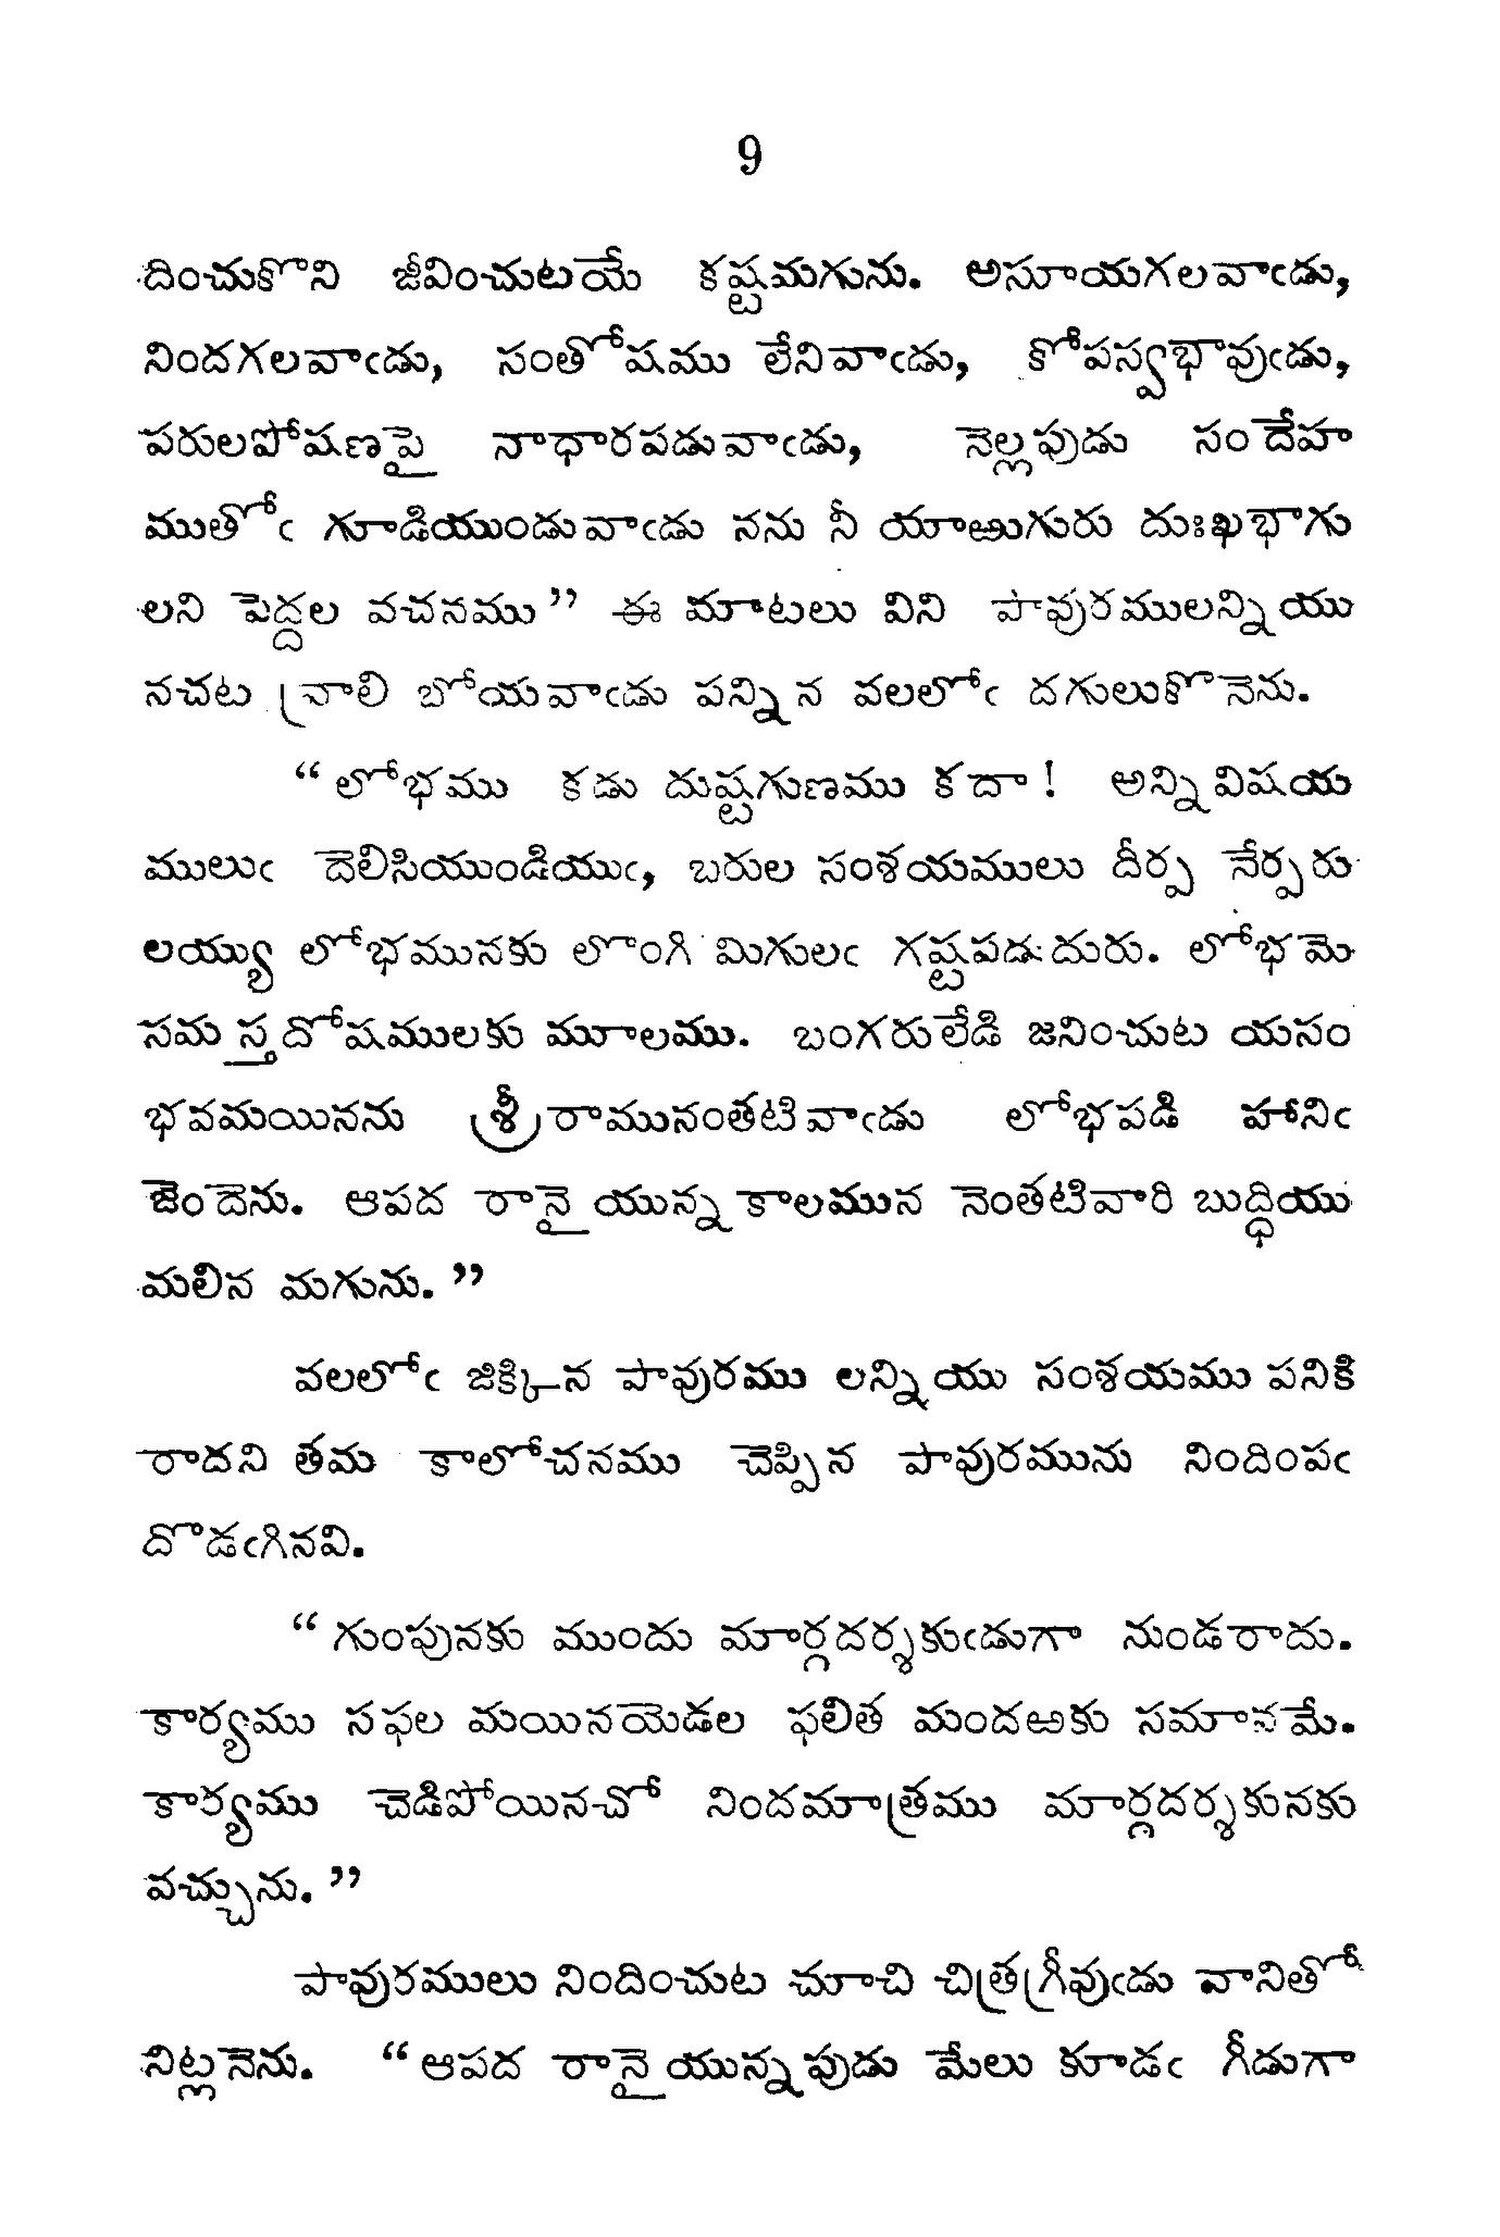దించుకొని జీవించుటయే కష్టమగును. అసూయగలవాడు, నిందగలవాడు, సంతోషము లేనివాడు, కోపస్వభావుడు, పరులపోషణపై నాధారపడువాడు, నెల్లపుడు సందేహముతో గూడియుండువాడు నను నీ యాఱుగురు దుఃఖభాగులని పెద్దల వచనము" ఈ మాటలు విని పావురములన్నియు నచట వ్రాలి బోయవాడు పన్నిన వలలో దగులుకొనెను.

"లోభము కడు దుష్టగుణము కదా! అన్నివిషయములు దెలిసియుండియు, బరుల సంశయములు దీర్ప నేర్పరు లయ్యు లోభమునకు లొంగి మిగుల గష్టపడుదురు. లోభమె సమస్తదోషములకు మూలము. బంగరులేడి జనించుట యసంభవమయినను శ్రీరామునంతటివాడు లోభపడి హానిజెందెను. ఆపద రానై యున్న కాలమున నెంతటివారి బుద్ధియు మలిన మగును."

వలలో జిక్కిన పావురము లన్నియు సంశయము పనికిరాదని తమ కాలోచనము చెప్పిన పావురమును నిందింప దొడగినవి.

"గుంపునకు ముందు మార్గదర్శకుడుగా నుండరాదు. కార్యము సఫల మయినయెడల ఫలిత మందఱకు సమానమే. కార్యము చెడిపోయినచో నిందమాత్రము మార్గదర్శకునకు వచ్చును."

పావురములు నిందించుట చూచి చిత్రగ్రీవుడు వానితో నిట్లనెను. "ఆపద రానైయున్నపుడు మేలు కూడ గీడుగా